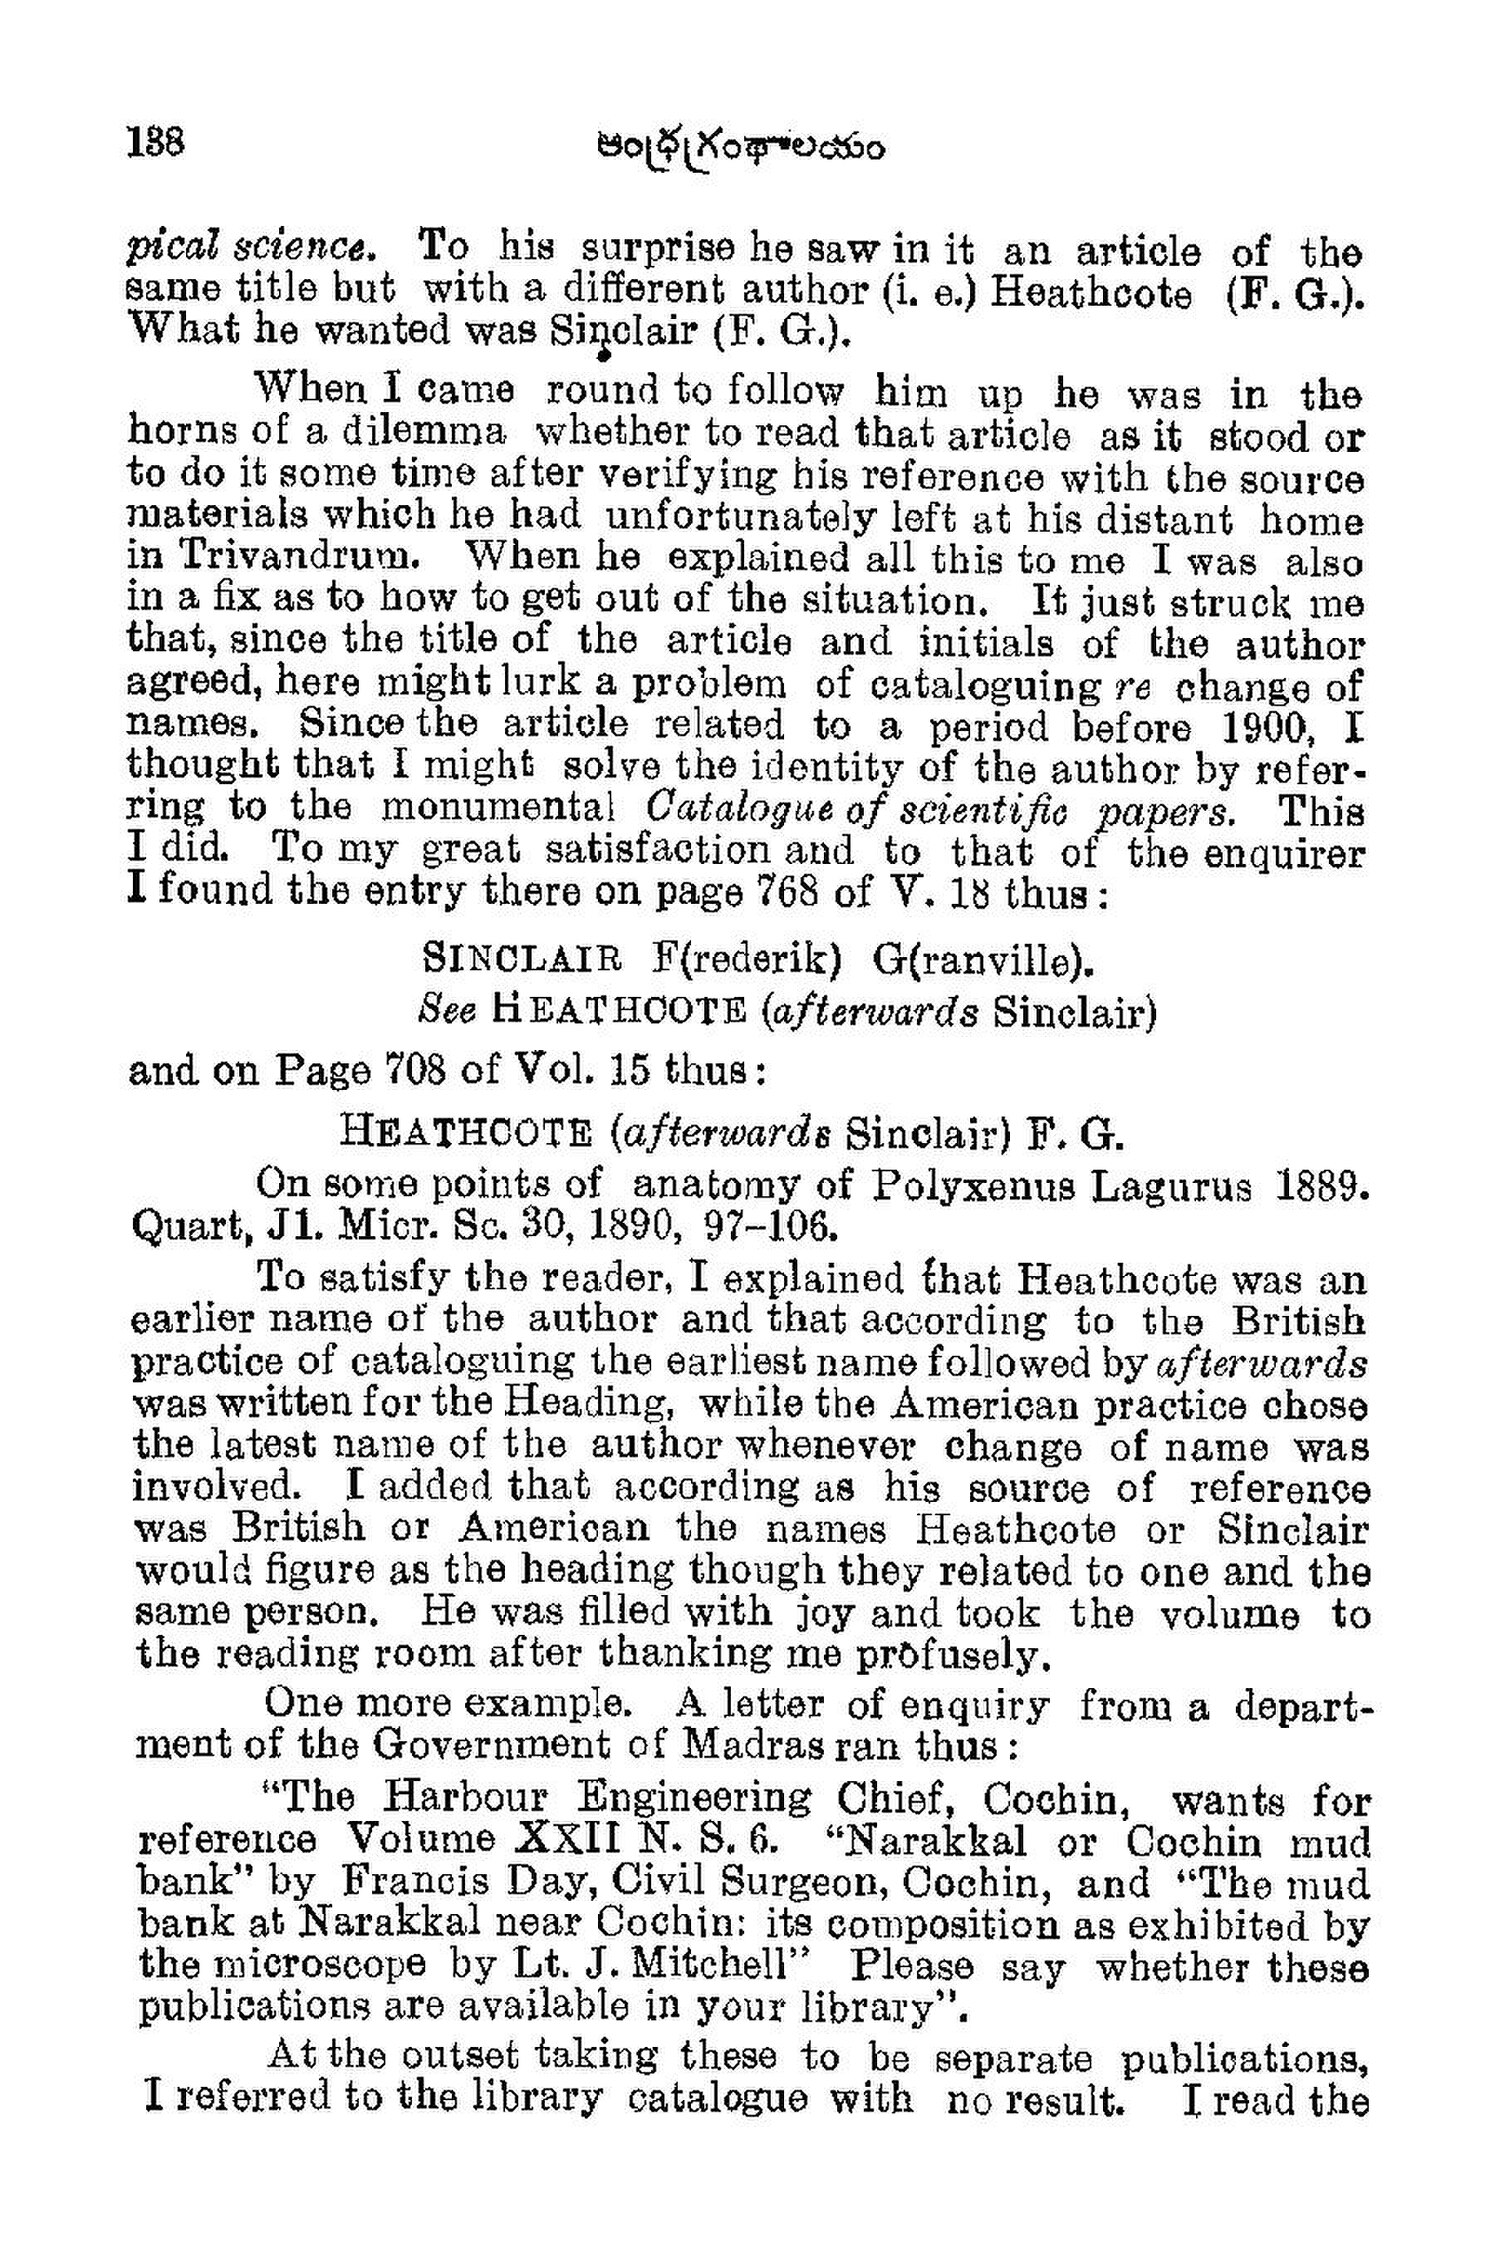pical science. To his surprise he saw in it an article of the same title but with a different author 
(i. e.) Heathcote (F. G.). What he wanted was Sinclair (F. G.).

When I came round to follow him up he was in the horns of a dilemma whether to read that article as 
it stood or to do it some time after verifying his reference with the source materials which he had 
unfortunately left at his distant home in Trivandrum. When he explained all this to me I was also
in a fix as to how to get out of the situation. It just struck me that, since the title of the article 
and initials of the author agreed, here might lurk a problem of cataloguing re change of names. Since 
the article related to a period before 1900, I thought that I might solve the identity of the author 
by referring to the monumental Catalogue of scientific papers. This I did. To my great satisfaction and 
to that of the enquirer I found the entry there on page 768 of V. 18 thus:

and on Page 708 of Vol.15 thus:

On some points of anatomy of Polyxenus Lagurus 1889. Quart,J1. Micr.Sc.30, 1890, 97-106.

To satisfy the reader, I explained that Heathcote was an earlier name of the author and that according 
to the British practice of cataloguing the earliest name followed by afterwards was written for the 
Heading, while the American practice chose the latest name of the author whenever change of name was
involved. I added that according as his source of reference was British or American the names Heathcote 
or Sinclair would figure as the heading though they related to one and the same person. He was filled 
with joy and took the volume to the reading room after thanking me profusely.

One more example. A letter of enquiry from a department of the Government of Madras ran thus:

"The Harbour Engineering Chief, Cochin, wants for reference Volume XXII N. S. 6. "Narakkal or 
Cochin mud bank" by Francis Day, Civil Surgeon, Cochin, and "The mud bank at Narakkal near Cochin: 
its composition as exhibited by the microscope by Lt. J. Mitchell" Please say whether these
publications are available in your library".

At the outset taking these to be separate publications, I referred to the library catalogue with no 
result. I read the